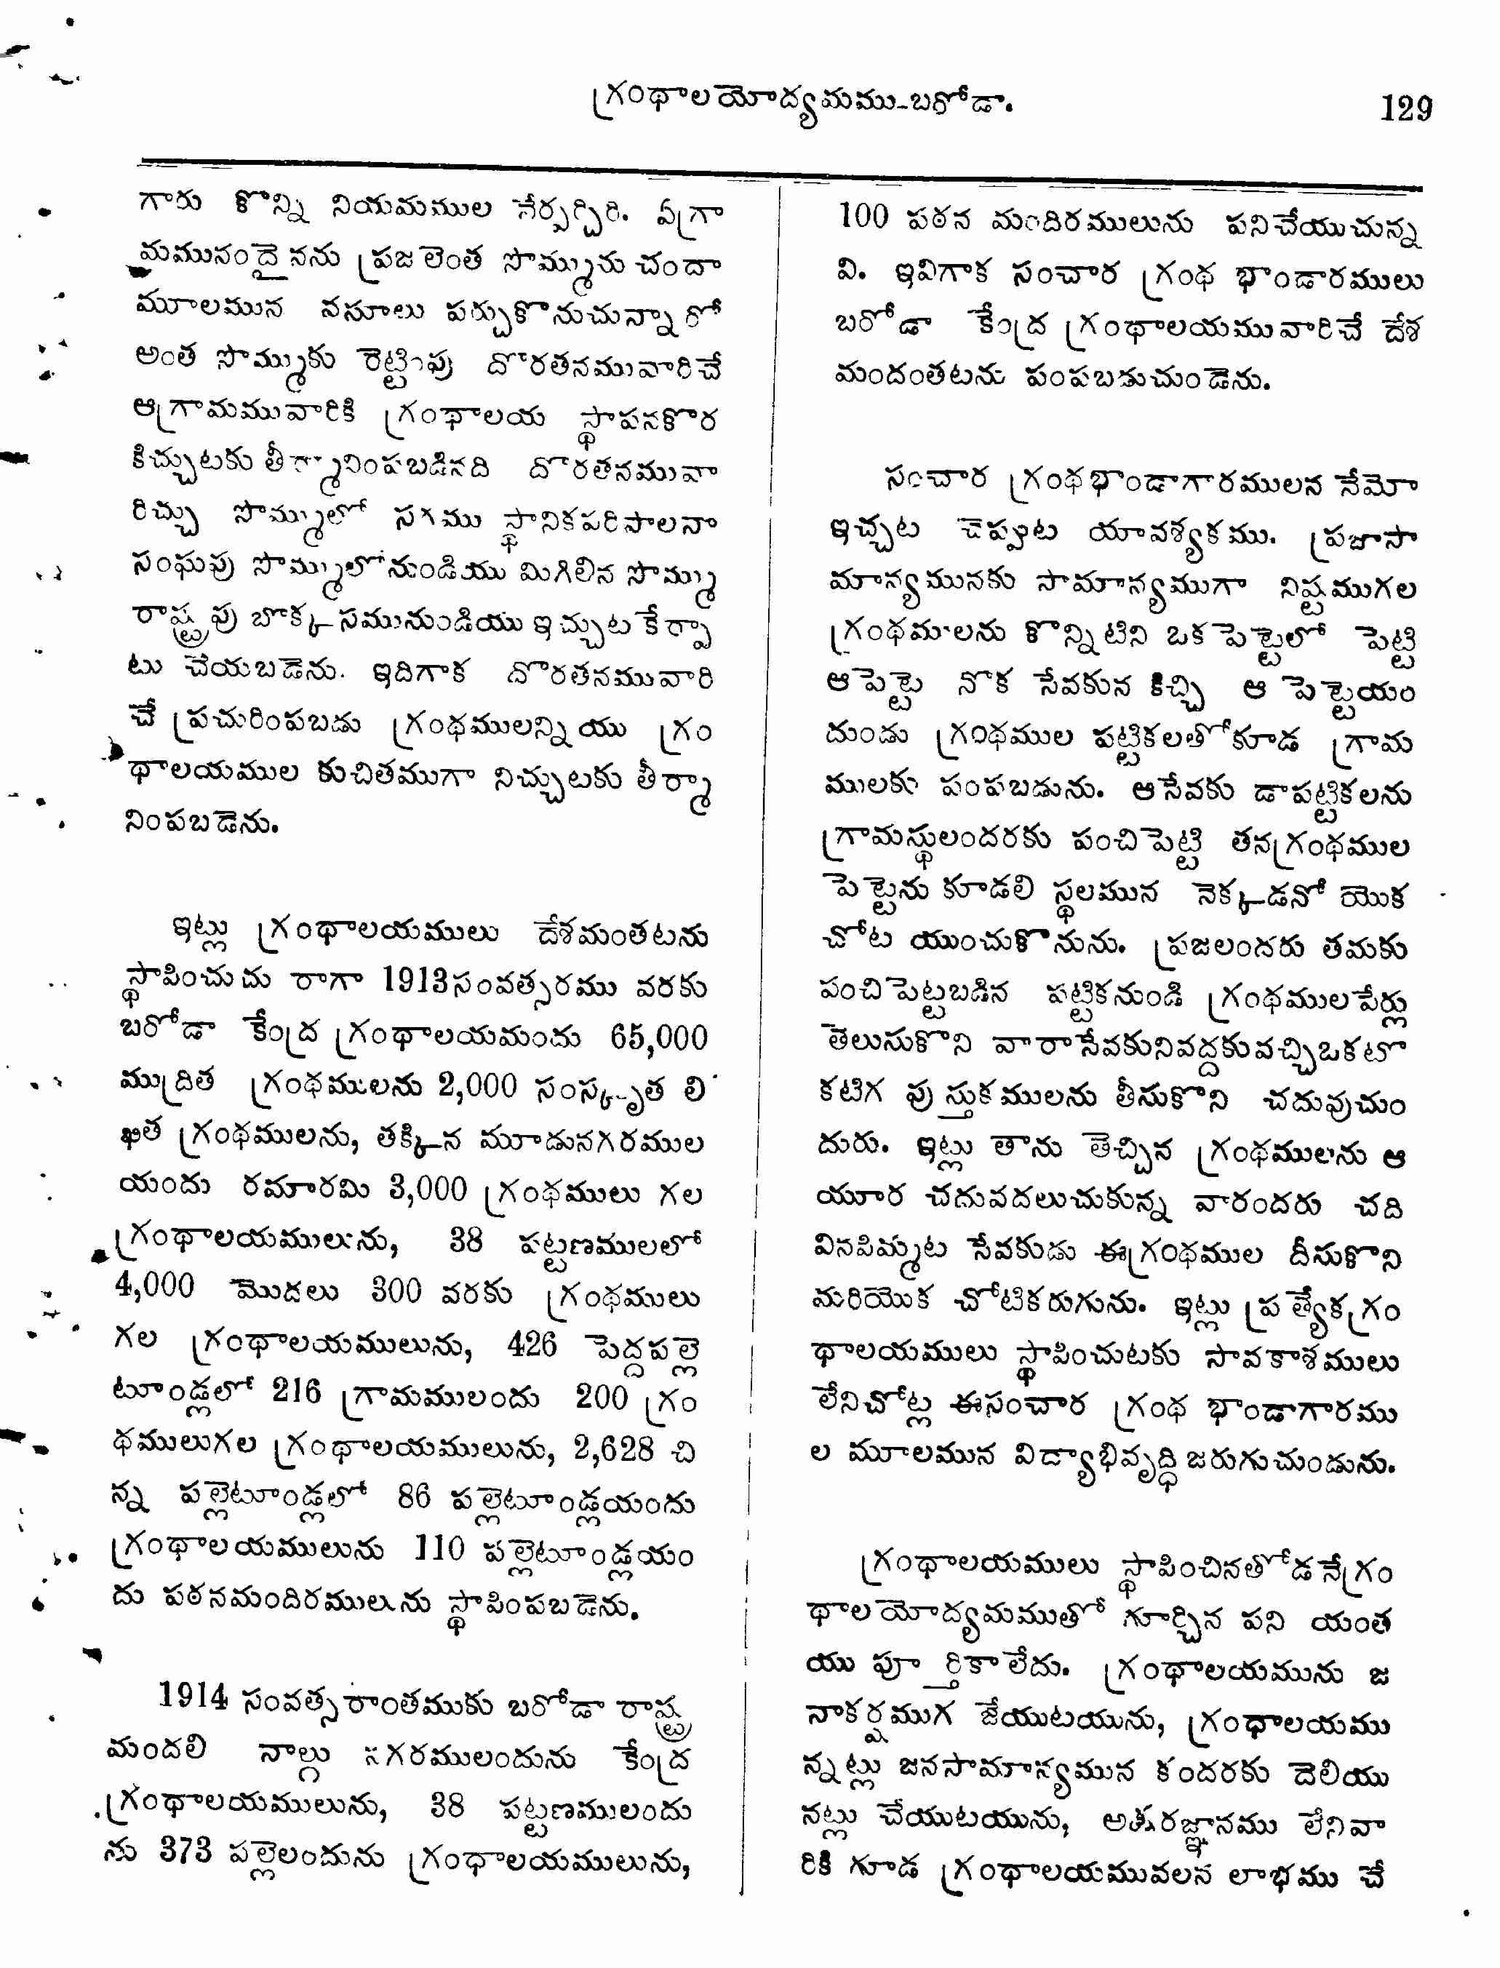గారు కొన్ని నియమముల నేర్పర్చిరి. ఏగ్రామమునందైనను ప్రజలెంత సొమ్మును చందా
మూలమున వసూలు పర్చుకొనుచున్నారో
అంత సొమ్ముకు రెట్టింపు దొరతనము వారిచే
ఆగ్రామమువారికి గ్రంథాలయ స్థాపనకొరకిచ్చుటకు తీర్మానింపబడినది దొరతనము వారిచ్చు సొమ్ములో సగము స్థానిక పరిపాలనా
సంఘపు సొమ్ములోనుండియు మిగిలిన సొమ్మ
రాష్ట్రపు బొక్కసమునుండియు ఇచ్చుట కేర్పాటు చేయబడెను. ఇదిగాక దొరతనమువారిచే ప్రచురింపబడు గ్రంథములన్నియు 'గ్రంథాలయముల కుచితముగా నిచ్చుటకు తీర్మానింపబడెను.

ఇట్లు గ్రంథాలయములు దేశమంతటను
స్థాపించుచు రాగా 1913సంవత్సరము వరకు
బరోడా కేంద్ర గ్రంథాలయమందు 65,000
ముద్రిత గ్రంథములను 2,000 సంస్కృత లిఖత గ్రంథములను, తక్కిన మూడునగరముల
యందు రమారమి 3,000 గ్రంథములు గల
గ్రంథాలయములును, 38 పట్టణములలో
4,000 మొదలు 300 వరకు గ్రంథములుగల గ్రంథాలయములును, 426 పెద్దపల్లెటూండ్లలో 216 గ్రామములందు 200 గ్రంథములుగల గ్రంథాలయములును, 2,628 చిన్న పల్లెటూండ్లలో 86 పల్లెటూండ్లయందు గ్రంథాలయములును 110 పల్లెటూండ్లయందు పఠనమందిరములను స్థాపింపబడెను.

1914 సంవత్సరాంతముకు బరోడా రాష్ట్రమందలి నాల్గు నగరములందును కేంద్రగ్రంథాలయములును, 38 పట్టణములందును 373 పల్లెలందును గ్రంధాలయములును, 100 పఠన మందిరములును పనిచేయుచున్నవి. ఇవిగాక సంచార గ్రంథభాండారములు బరోడా కేంద్ర గ్రంథాలయము వారిచే దేశమందంతటను పంపబడుచుండెను.

సంచార గ్రంథభాండాగారములననేమో
ఇచ్చట చెప్పుట యావశ్యకము. ప్రజాసా
మాన్యమునకు సామాన్యముగా నిష్టముగల
గ్రంథములను కొన్నిటిని ఒక పెట్టెలో పెట్టి
ఆపెట్టె నొక సేవకునకిచ్చి ఆ పెట్టెయందుండు గ్రంథముల పట్టికలతోకూడ గ్రామములకు పంపబడును. ఆసేవకుడా పట్టికలను
గ్రామస్థులందరకు పంచి పెట్టి తన గ్రంథముల
పెట్టెను కూడలి స్థలమున నెక్కడనో యొక
చోట యుంచుకొనును. ప్రజలందరు తమకు
పంచి పెట్టబడిన పట్టికనుండి గ్రంథముల పేర్లు
తెలుసుకొని వారాసేవకునివద్దకు వచ్చిఒకటొకటిగ పుస్తకములను తీసుకొని చదువుచుందురు. ఇట్లు తాను తెచ్చిన గ్రంథములను ఆయూర చదువదలుచుకున్న వారందరు చదివిన పిమ్మట సేవకుడు ఈగ్రంథములు దీసుకొని మరియొకచోటికరుగును. ఇట్లు ప్రత్యేక గ్రంథాలయములు స్థాపించుటకు సావకాశములు లేనిచోట్ల ఈ సంచార గ్రంథ భాండాగారముల మూలమున విద్యాభివృద్ధి జరుగుచుండును.

గ్రంథాలయములు స్థాపించినతోడనే గ్రంథాలయోద్యమముతో గూర్చిన పని యంతయు పూర్తికాలేదు. గ్రంథాలయమును జనాకర్షముగ జేయుటయును, గ్రంధాలయమున్నట్లు జనసామాన్యమున కందరకు దెలియునట్లు చేయుటయును, అతక్షరజ్ఞానము లేనివారికి గూడ గ్రంథాలయమువలన లాభముచే